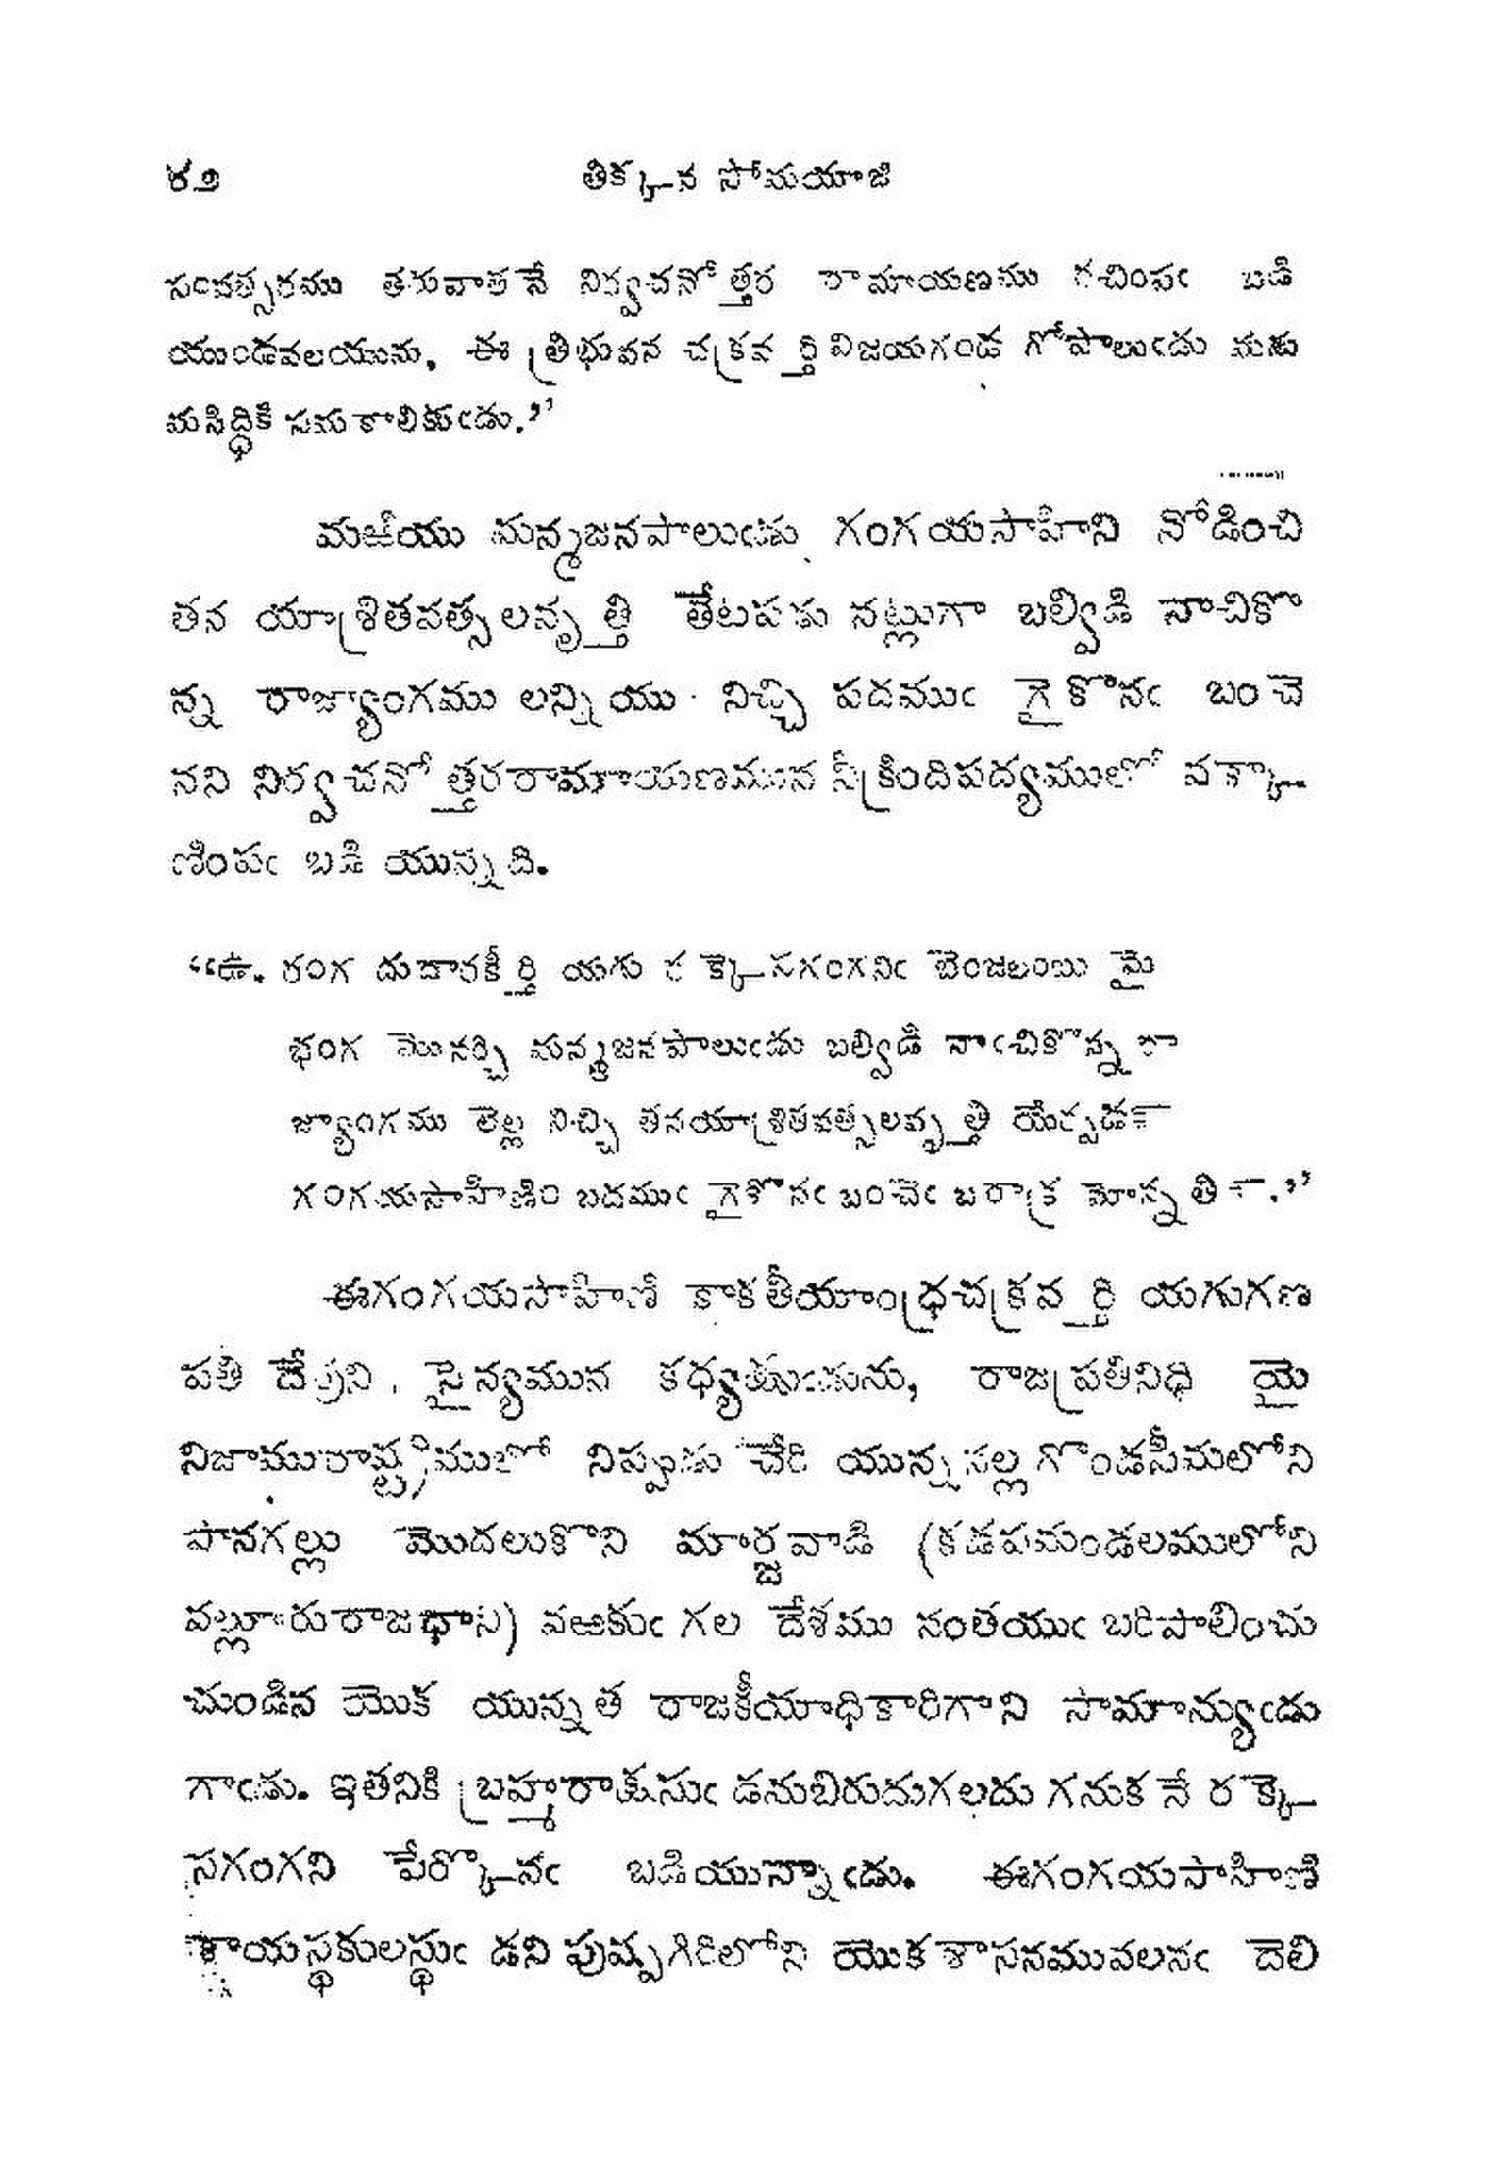సంవత్సరము తరువాతనే నిర్వచనోత్తర రామాయణము రచింపఁ బడి యుండవలయును. ఈ త్రిభువన చక్రవర్తి విజయగండ గోపాలుఁడు మనుమసిద్ధికి సమకాలికుఁడు."

మఱియు మన్మజనపాలుఁడు గంగయసాహిని నోడించి తన యాశ్రితవత్సలవృత్తి తేటపడు నట్లుగా బల్విడి నాచికొన్న రాజ్యాంగము లన్నియు నిచ్చి పదముఁ గైకొనఁ బంచెనని నిర్వచనోత్తరరామాయణమున నీక్రిందిపద్యములో వక్కాణింపఁ బడి యున్నది. 

"ఉ. రంగ దుదారకీర్తి యగు రక్కెసగంగనిఁ బెంజలంబు మై
 భంగ మొనర్చి మన్మజనపాలుఁడు బల్విడి నాఁచికొన్నరా 
 జ్యాంగము లెల్ల నిచ్చి తనయాశ్రితవత్సలవృత్తి యేర్పడ౯ 
 గంగయసాహిణిం బదముఁ గైకొనఁ బంచెఁ బరాక్ర మోన్నతి౯."
ఈగంగయసాహిణీ కాకతీయాంధ్రచక్రవర్తి యగుగణపతి దేవుని, సైన్యమున కధ్యక్షుఁడును, రాజప్రతినిధి యై నిజామురాష్ట్రములో నిప్పుడు చేరి యున్ననల్లగొండసీమలోని పానగల్లు మొదలుకొని మార్జవాడి (కడపమండలములోని వల్లూరు రాజధాని) వఱకుఁ గల దేశము నంతయుఁ బరిపాలించు చుండిన యొక యున్నత రాజకీయాధికారిగాని సామాన్యుఁడు గాఁడు. ఇతనికి బ్రహ్మరాక్షసుఁ డనుబిరుదుగలదు గనుకనే రక్కెసగంగని పేర్కొనఁ బడియున్నాఁడు. ఈగంగయసాహిణి కాయస్థకులస్థుఁ డని పుష్పగిరిలోని యొకశాసనమువలనఁ దెలి